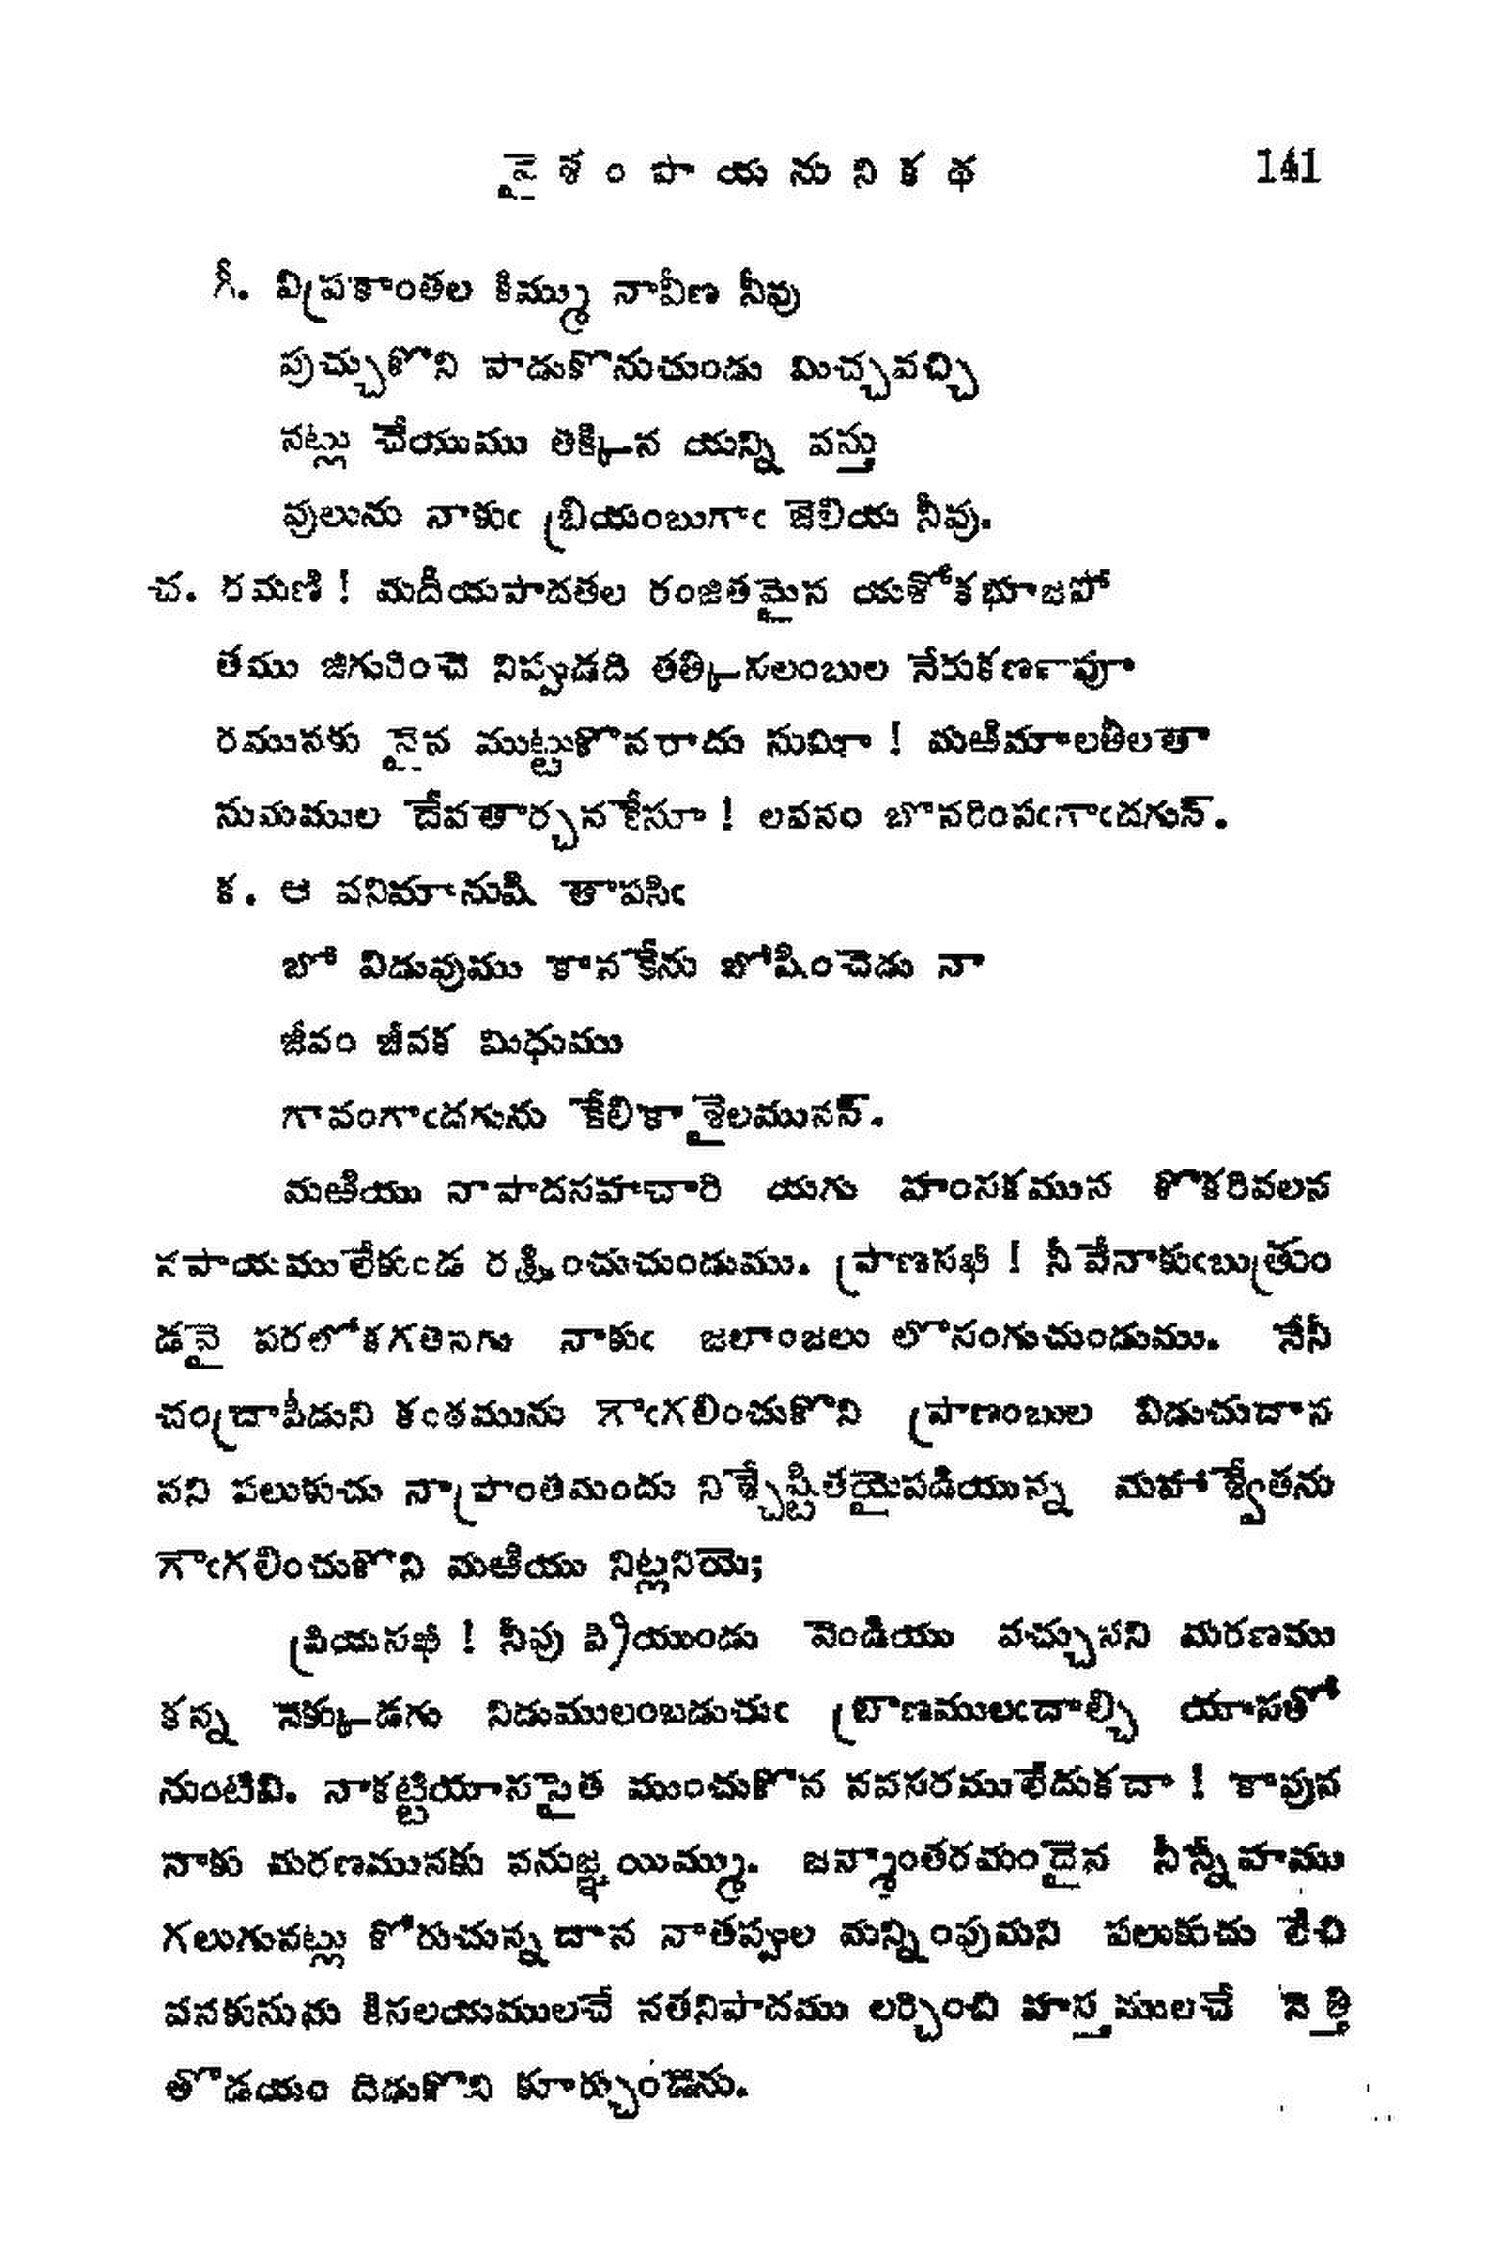గీ. విప్రకాంతుల కిమ్ము నావీణ నీవు
 పుచ్చుకొని పాడుకొనుచుండు మిచ్చవచ్చి
 నట్లు చేయుము తక్కిన యన్ని వస్తు
 వులును నాకుఁ బ్రియంబుగాఁ జెలియ నీవు.

చ. రమణి! మదీయపాదతల రంజితమైన యశోకభూజపో
 తము జిగురించె నిప్పుడది తత్కిసలంబుల నేరుకణ౯పూ
 రమునకు నైన ముట్టుకొనరాదు సుమీ! మఱిమాలతీలతా
 సునముల దేవతార్చనకేసూ! లవనం బొనరింపఁగాఁదగున్.

క. ఆ వనిమానుషి తాపసిఁ
 బో విడువుము కానకేను బోషించెడు నా
 జీవం జీవక మిధుము
 గావంగాఁదగును కేలికా శైలమునన్.
మఱియు నాపాదసహచారి యగు హంసకమున కొకరివలన నపాయములేకుండ రక్షించుచుండుము. ప్రాణసఖీ! నీవేనాకుఁబుత్రుండవై పరలోకగతనగు నాకుఁ జలాంజలు లొసంగుచుండుము. నేనీ చంద్రాపీడుని కంఠమును గౌఁగలించుకొని ప్రాణంబుల విడుచుదాన నని పలుకుచు నాప్రాంతమందు నిశ్చేష్టితయైపడియున్న మహాశ్వేతను గౌఁగలించుకొని మఱియు నిట్లనియె;

ప్రియసఖీ! నీవు ప్రియుండు వెండియు వచ్చునని మరణము కన్న నెక్కుడగు నిడుములంబడుచుఁ బ్రాణములఁదాల్చి యాసతో నుంటివి. నాకట్టియాససైత ముంచుకొన నవసరములేదుకదా! కావున నాకు మరణమునకు ననుజ్ఞ యిమ్ము. జన్మాంతరమందైన నీస్నేహము గలుగునట్లు కోరుచున్నదాన నాతప్పుల మన్నింపుమని పలుకుచు లేచి వనకుసుమ కిసలయములచే నతనిపాదము లర్చించి హస్తములచే నెత్తి తొడయం దిడుకొని కూర్చుండెను.